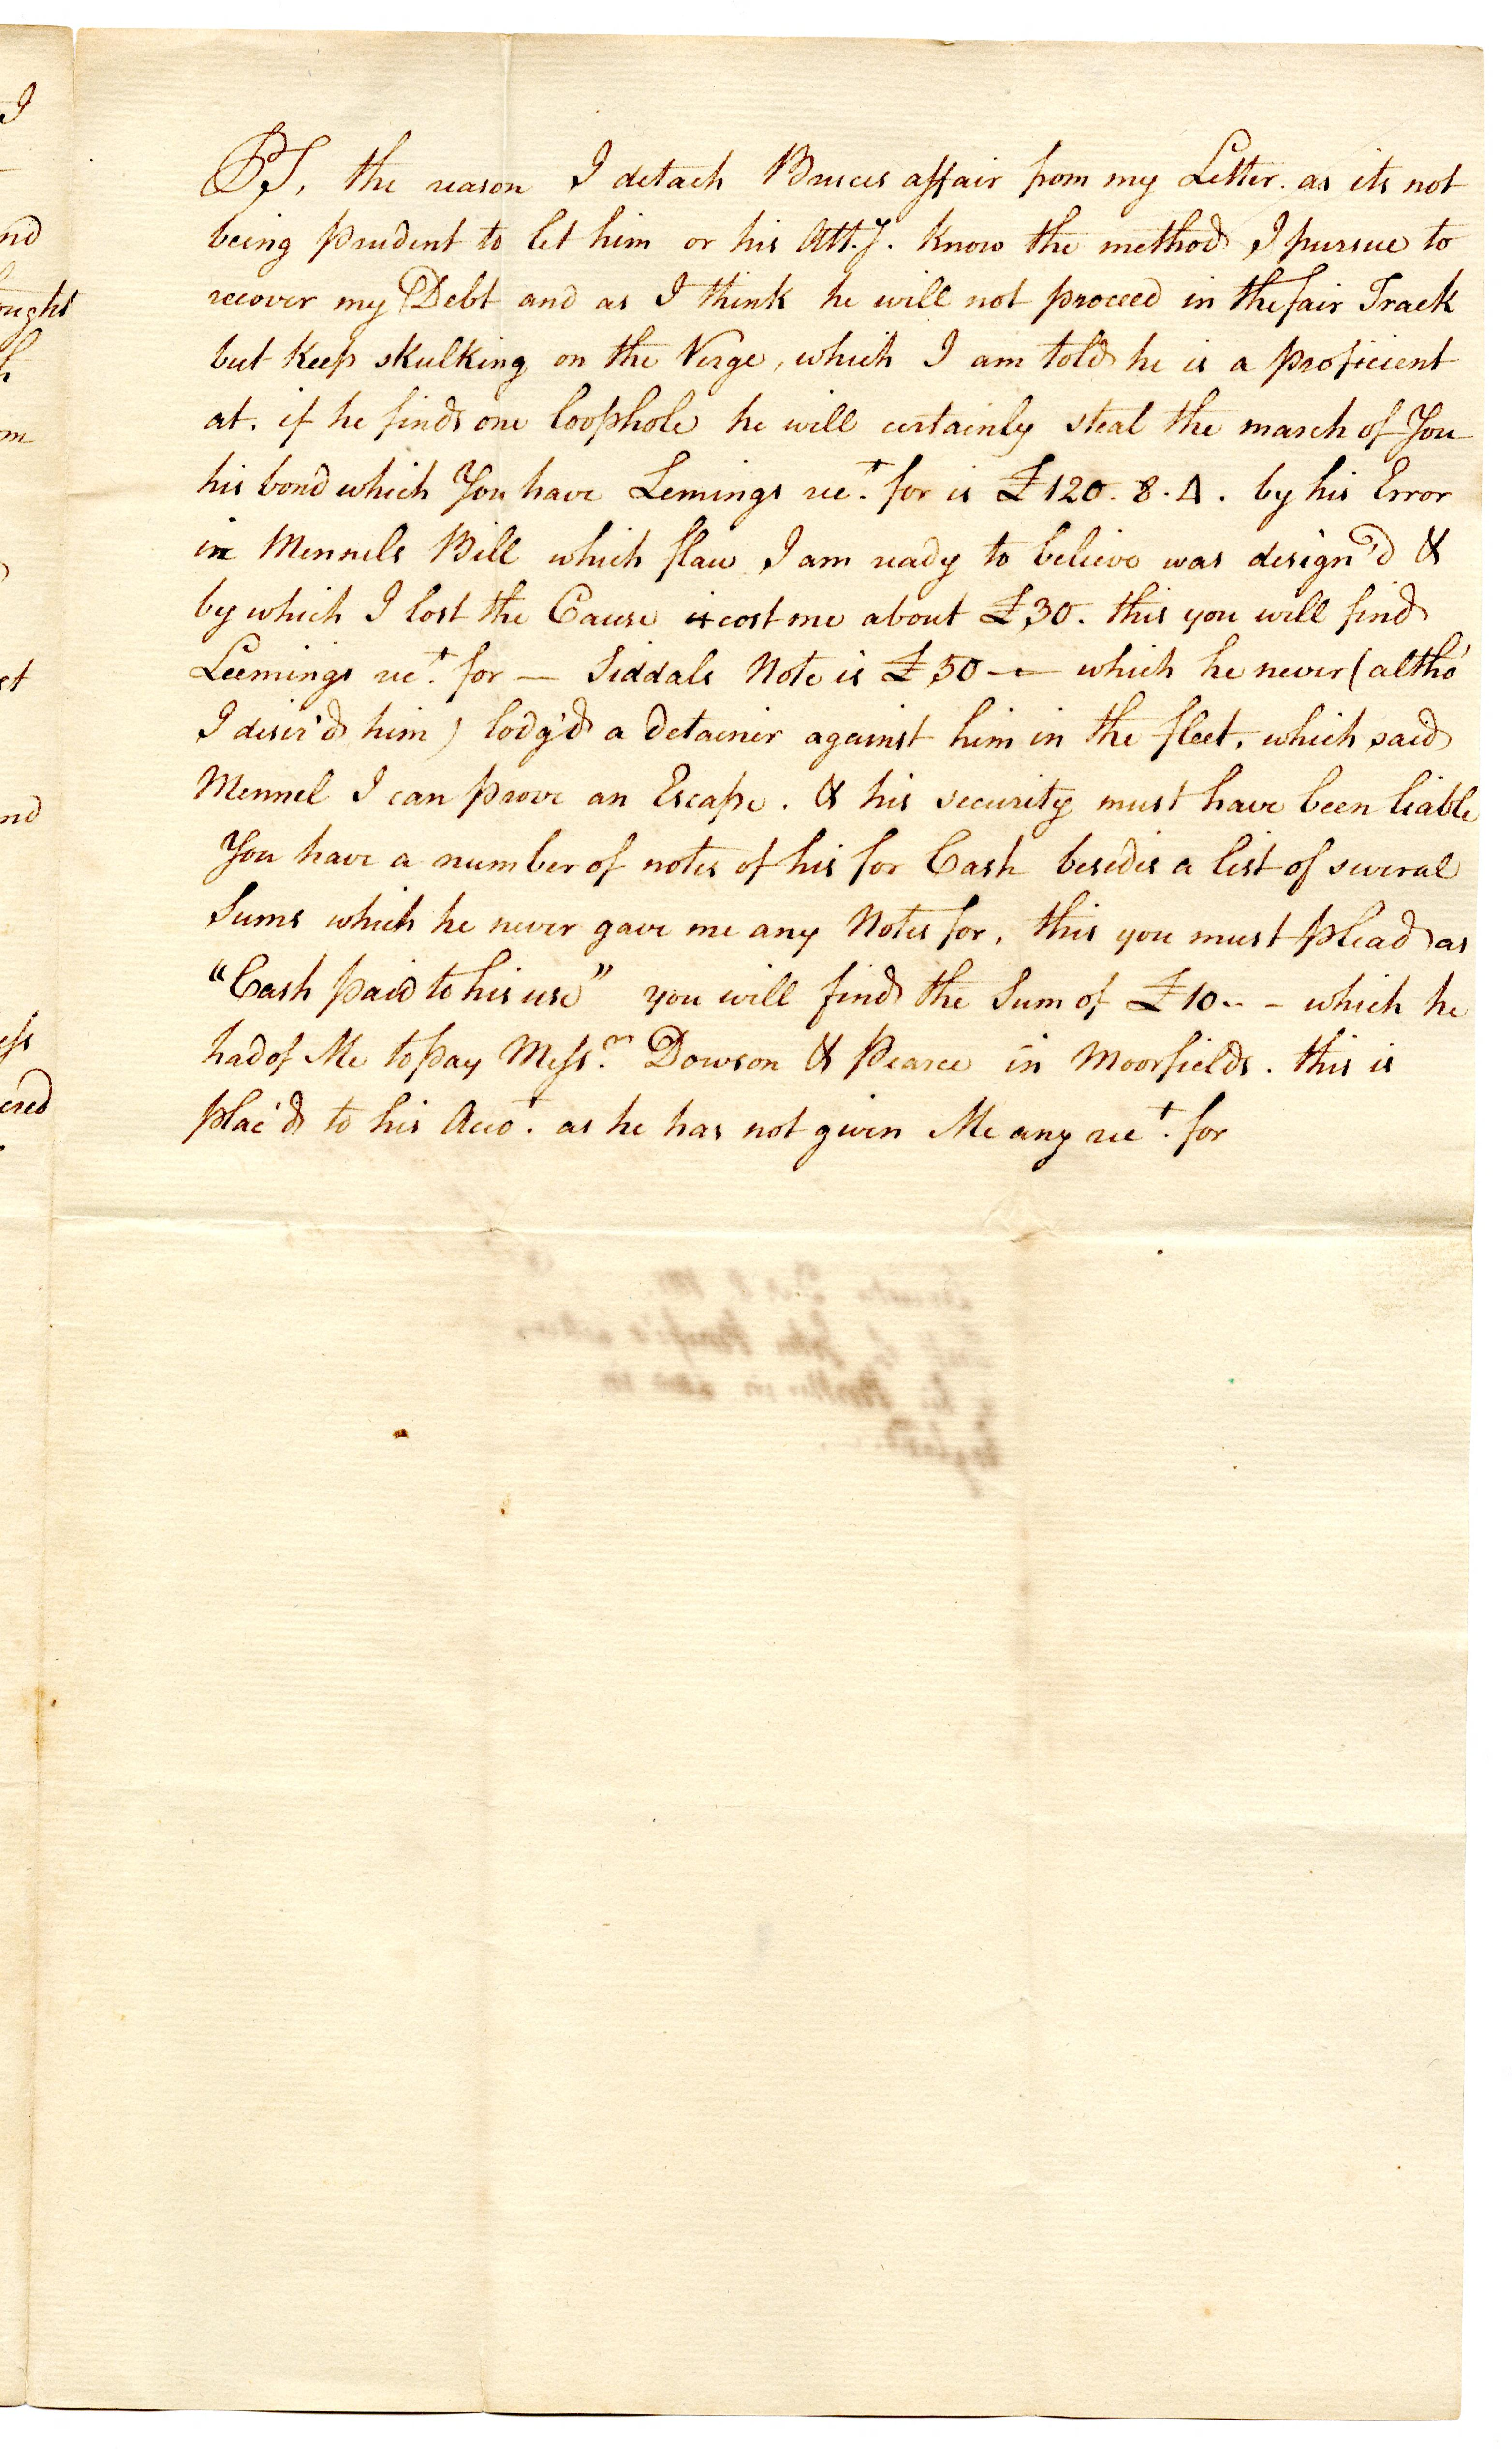PS. the reason I detach Bruces affair from my Letter, as its not
being prudent to let him or his Att^y. know the method I pursue to
recover my Debt and as I think he will not proceed in the fair Track
but keep skulking on the Verge, which I am told he is a proficient
at if he finds one loophole he will certainly steal the march of You
his bond which You have Lemings rec^t. for is £120.8.4. by his Error
in Mennels Bill which flaw I am ready to believe was design'd &
by which I lost the Cause it cost me about £30. this you will find
Leemings rec^t. for Siddals Note is £50, which he never (altho'
I desir'd him) lodg'd a detainer against him in the fleet, which said
Mennel I can prove an Escape. & his security must have been liable
You have a number of notes of his for Cash besides a lest of several
Sums which he never gave me any Notes for, this you must plead as
"Cash paid to his use" you will find the Sum of £10, which he
had of Me to pay Mess^rs. Dowson & Pearce in Moorfields. this is
plac'd to his Acco^t. as he has not given Me any rec^t. for